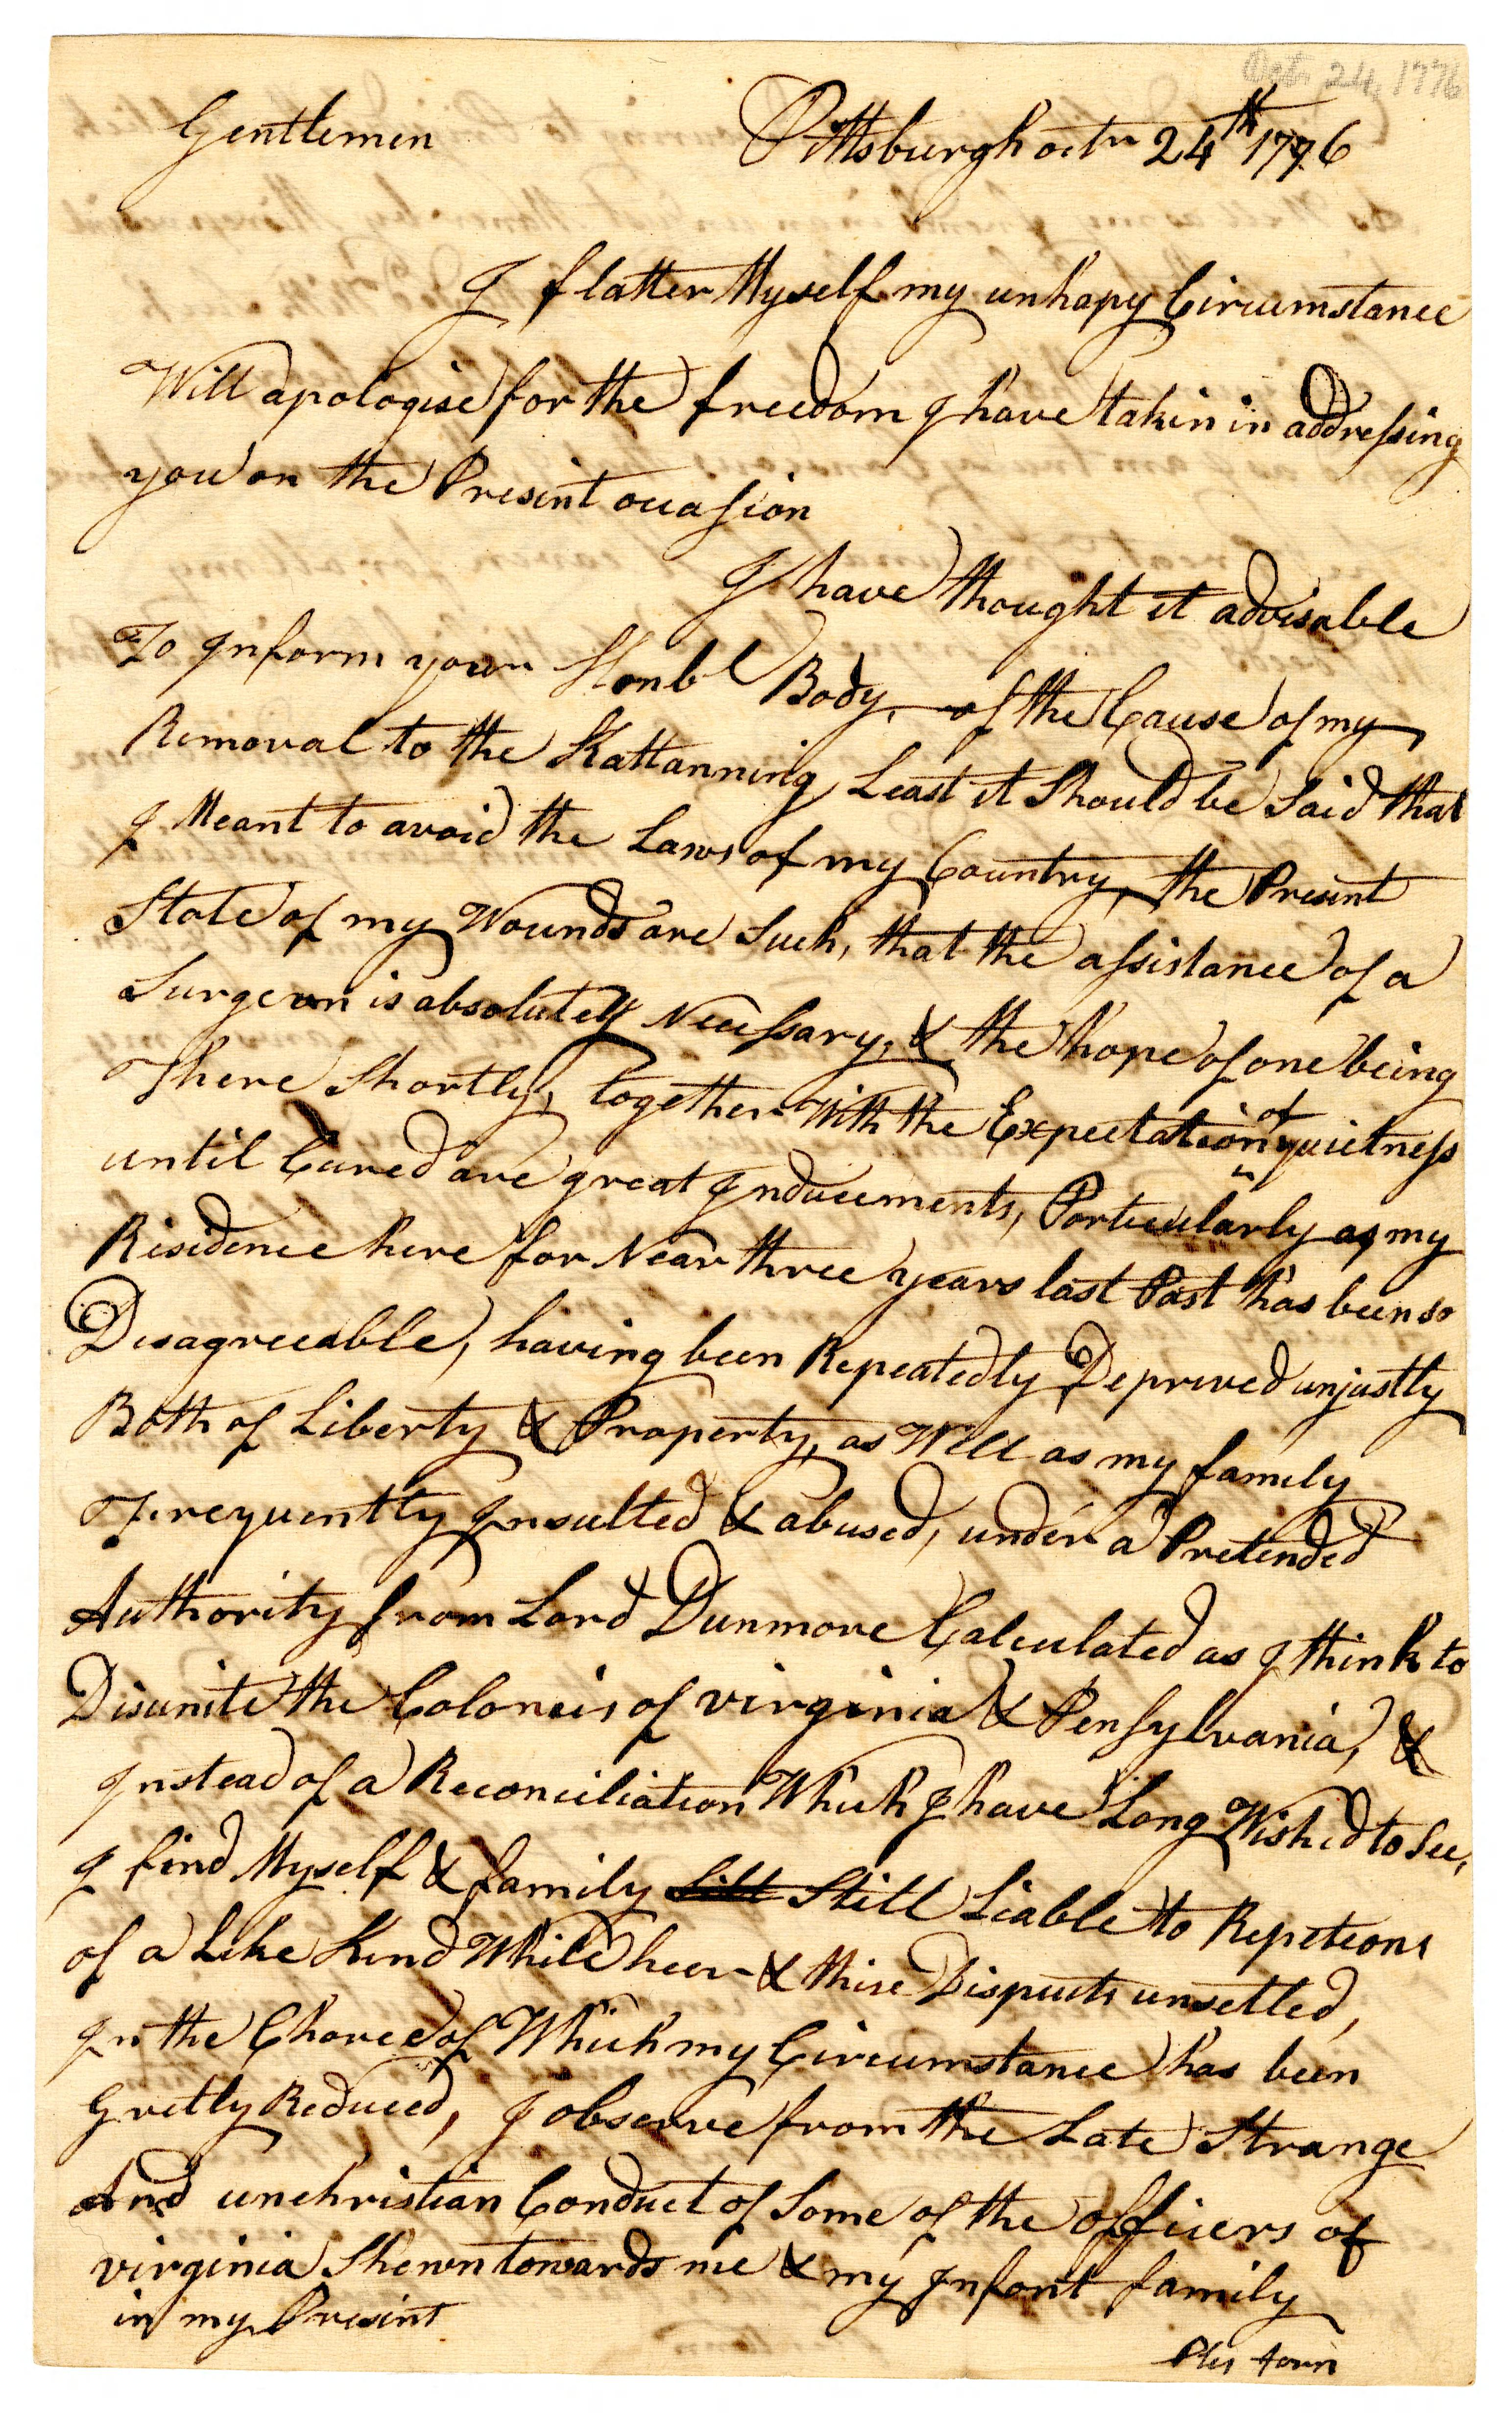Pittsburgh oct^r 24^th 1776
Gentlemen
I flatter Myself my unhapy Circumstance
Will apologise for the freedom I have taken in addressing
you on the Present occasion
I have thought it advisable
To inform your Honbl Body, of the Cause of my
Removal to the Kattanning Least it should be said that
I Meant to avoid the Laws of my Country, the Present
State of my wounds are Such, that the assistance of a
Surgeon is absolutely Necessary & the Hope of one being
of
There shortly together with the Expectation ^ quietness
until Cured are great Inducements, Particularly as my
Residence here for Near three years last Past has been so
Disagreeable, having been Repeatedly Deprived unjustly
Both of Liberty & Property, as Well as my family
frequently insulted & abused, under a Pretended
Authority from Lord Dunmore Calculated as I think to
Disunite the Colonies of Virginia & Pennsylvania, &
Instead of a Reconciliation Which I have Long Wished to See,
I find Myself & family till Still Liable to Repetions
of a Like kind while heer & these Dispuits unsetled,
In the Chance of Which my Circumstance has been
Greatly Reduced, I observe from the Late Strange
and unchristian Conduct of some of the officers of
virginia Shewn towards me & my Infant family
in my Present
Ples town